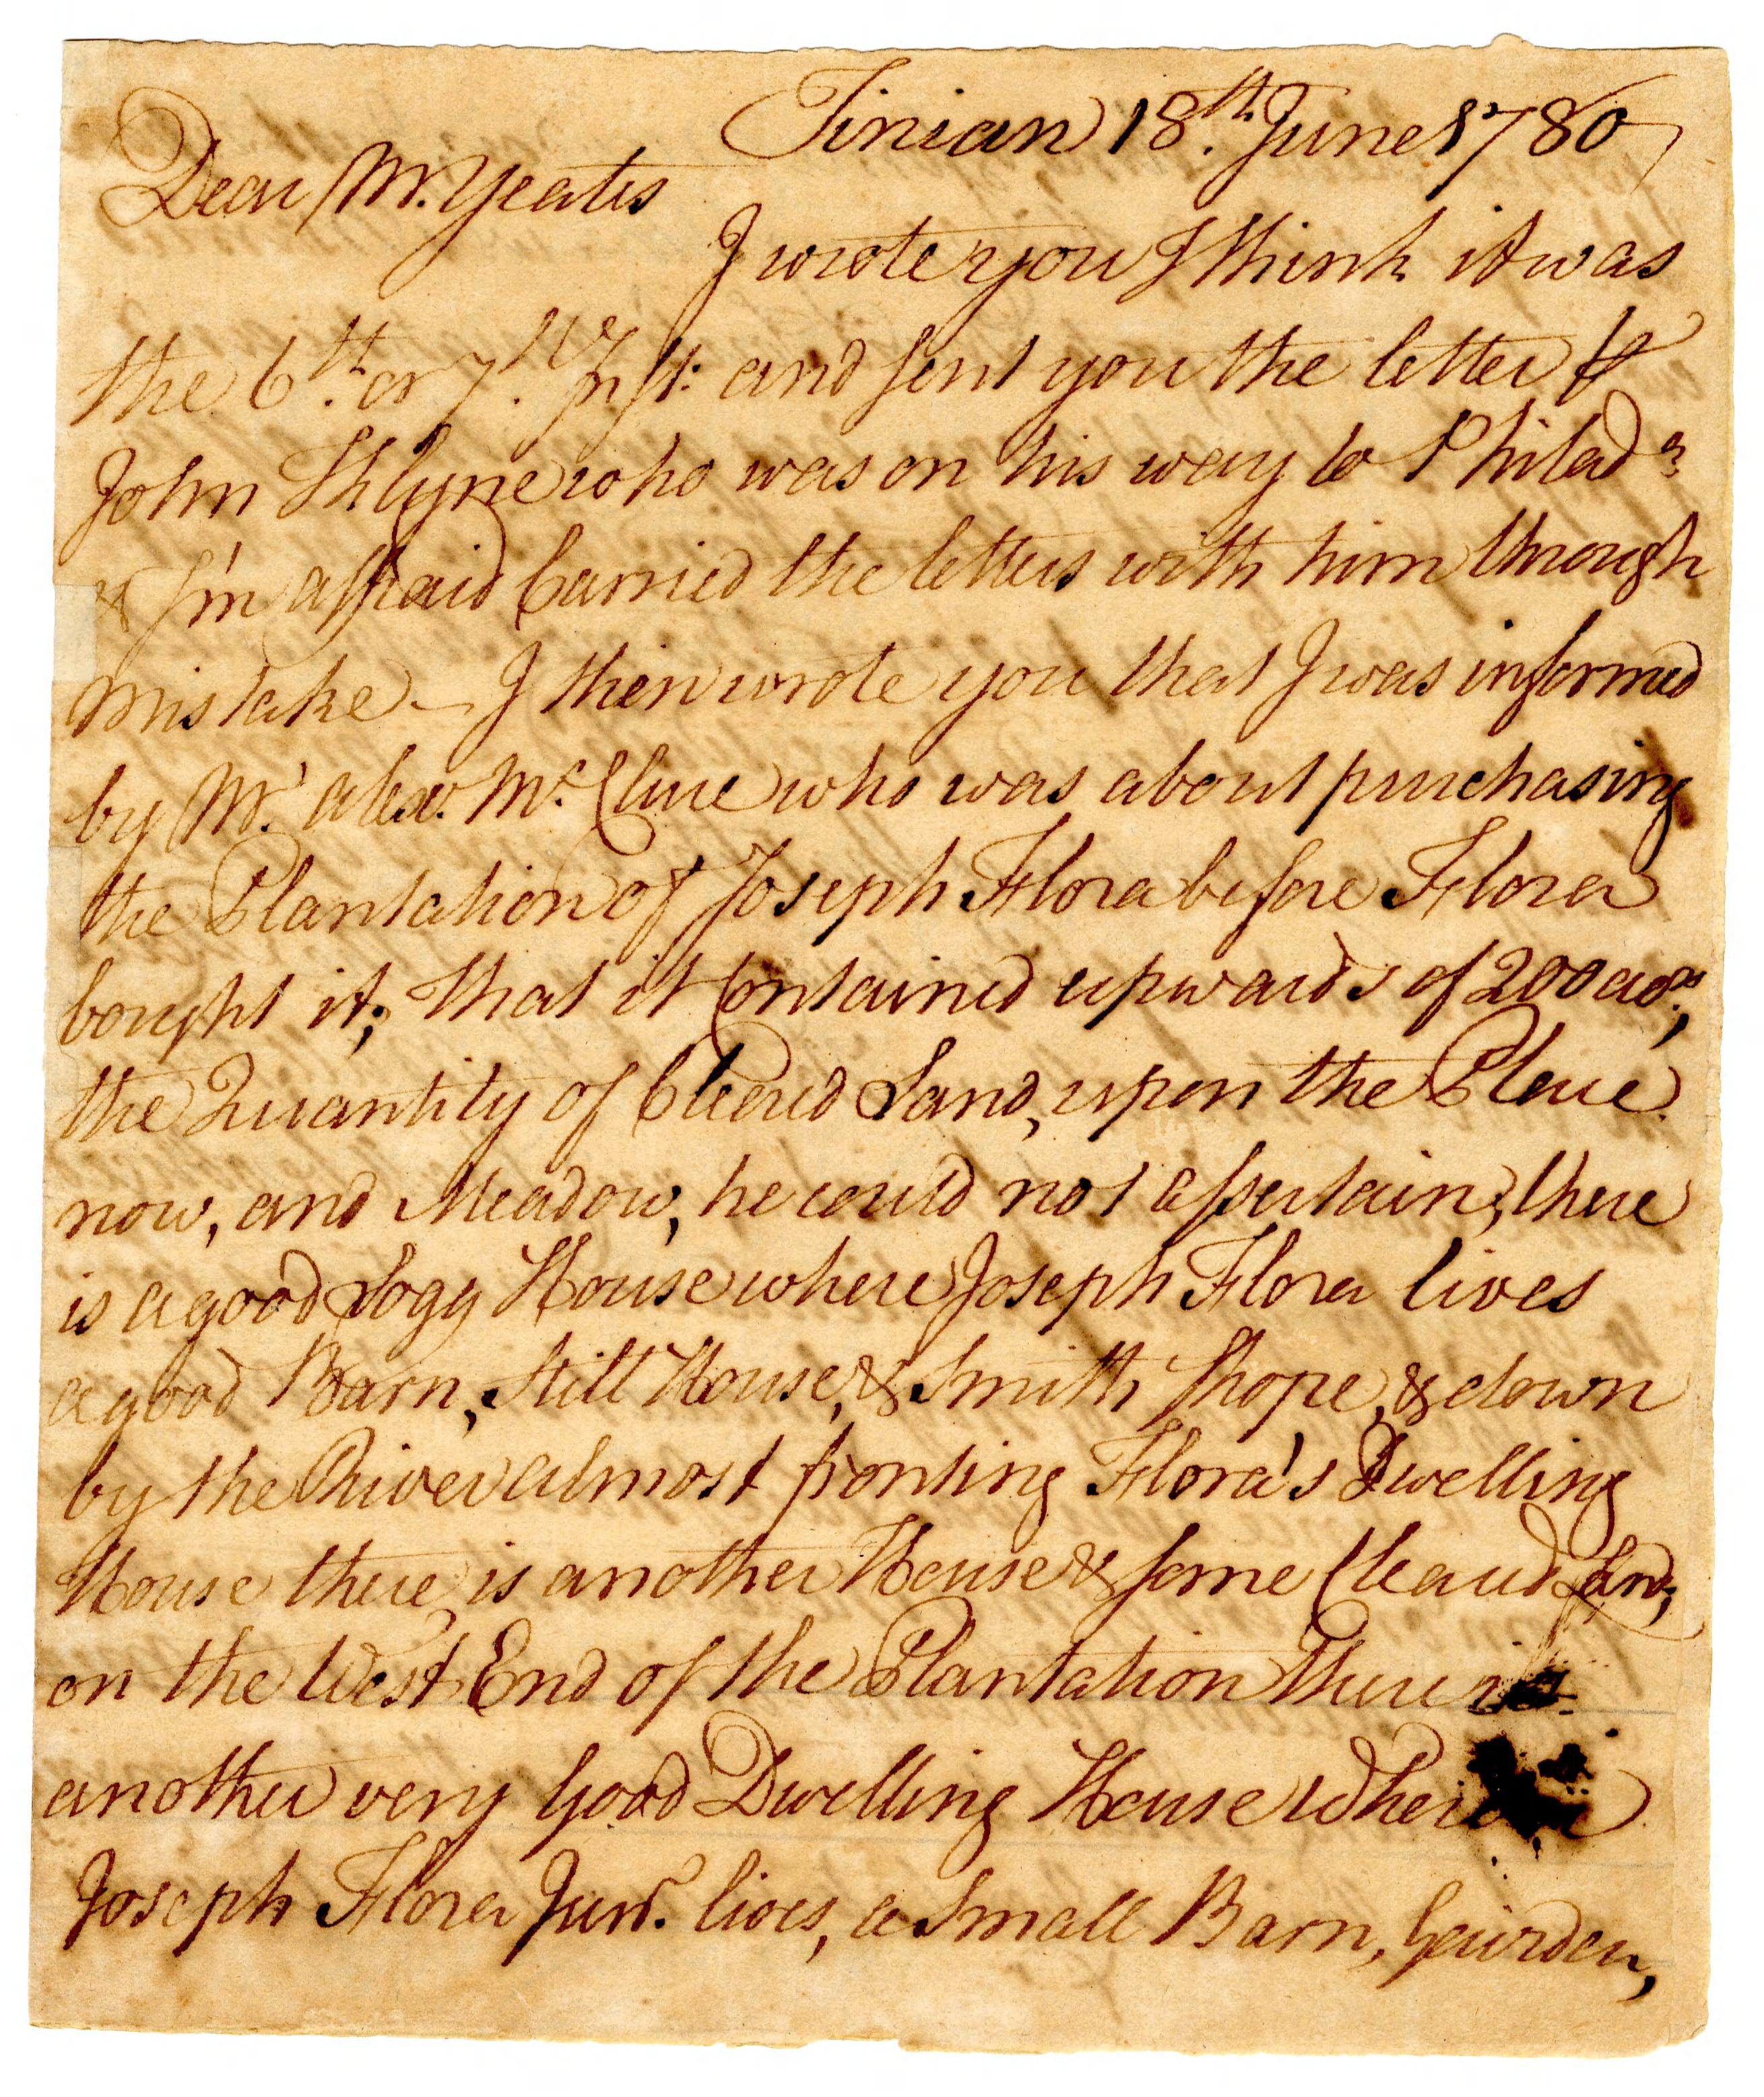Tinian 18^th. June1780
Dear M. Yeates
I wrote you I think it was
the 6^th. or 7^th past and sent you the letter per
John Thlyne who was on his way to Philad^a
& I'm afraid Carried the letters with him through
Mistake- I then wrote you that I was informed
by M^r Alex. M^cClune who was about purchasing
the Plantation of Joseph Flora before Flora
bought it; that it Contained upwards of 200000;
the Quantity of Cleared Land upon the Place
now, and Meadow, he could not assertain, there
is a good Logg House where Joseph Flora lives
a good Barn, Still House, & Smith Shope, & down
by the River almost Fronting Flora's Dwelling
House there, is another House & some Cleared Land
on the West End of the Plantation there is
another very Good Dwelling House where
Joseph Flora Jun. lives, a Small Barn, Garden,